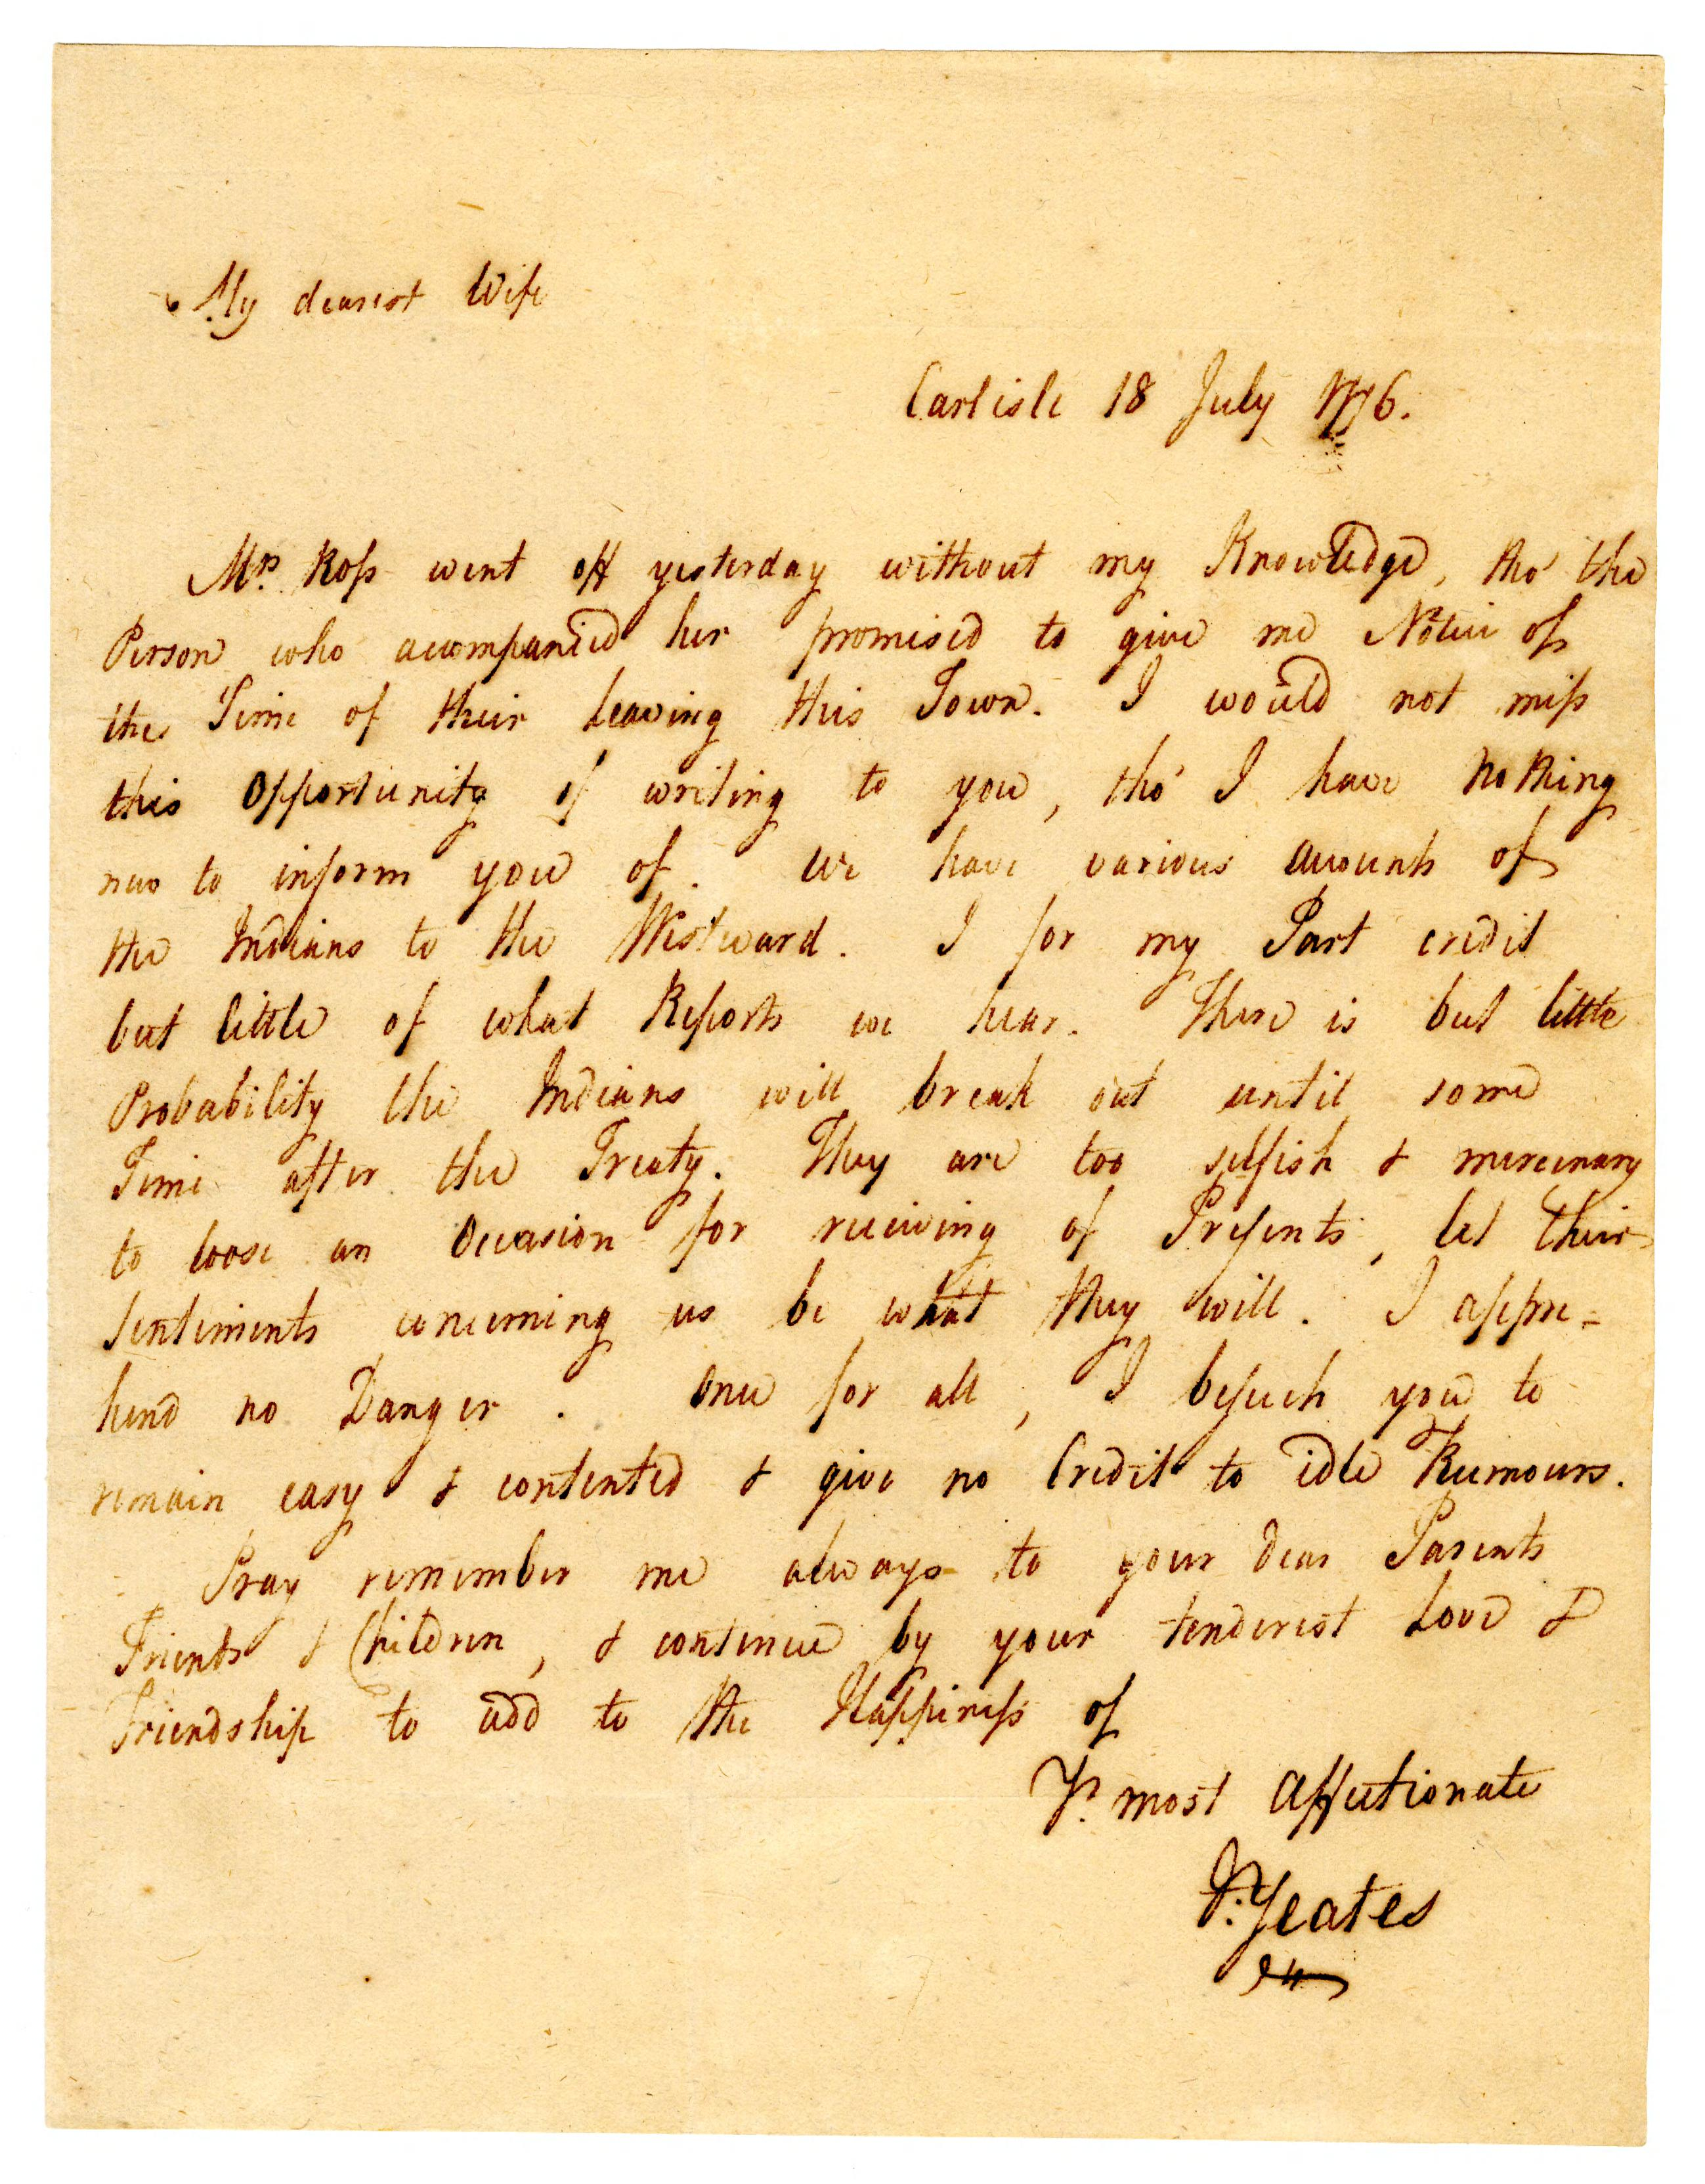Carlisle 18 July 1776.
My dearest Wife
M^rs. Ross went off yesterday without my Knowledge, tho' the
Person who accompanied her promised to give me Notice of
the Time of their Leaving this Town. I would not miss
this opportunity of writing to you, tho' I have Nothing
new to inform you of. We have various Amounts of
the Indians to the Westward. I for my Part credit
but little of what Reports we hear. There is but little
Probability the Indians will break out until some
Time after the Treaty. They are too selfish & mercenary
to loose an Occasion for receiving of Presents, let their
Sentiments concerning us be what they will. I appre-
hend no Danger. Once for all, I beseech you to
remain easy & contented & give no Credit to idle Rumours.
Pray remember me always to your dear Parents
Friends & Children, & continue by your tenderest Love &
Friendship to add to the Happiness of
J: Yeates
J: Yeates